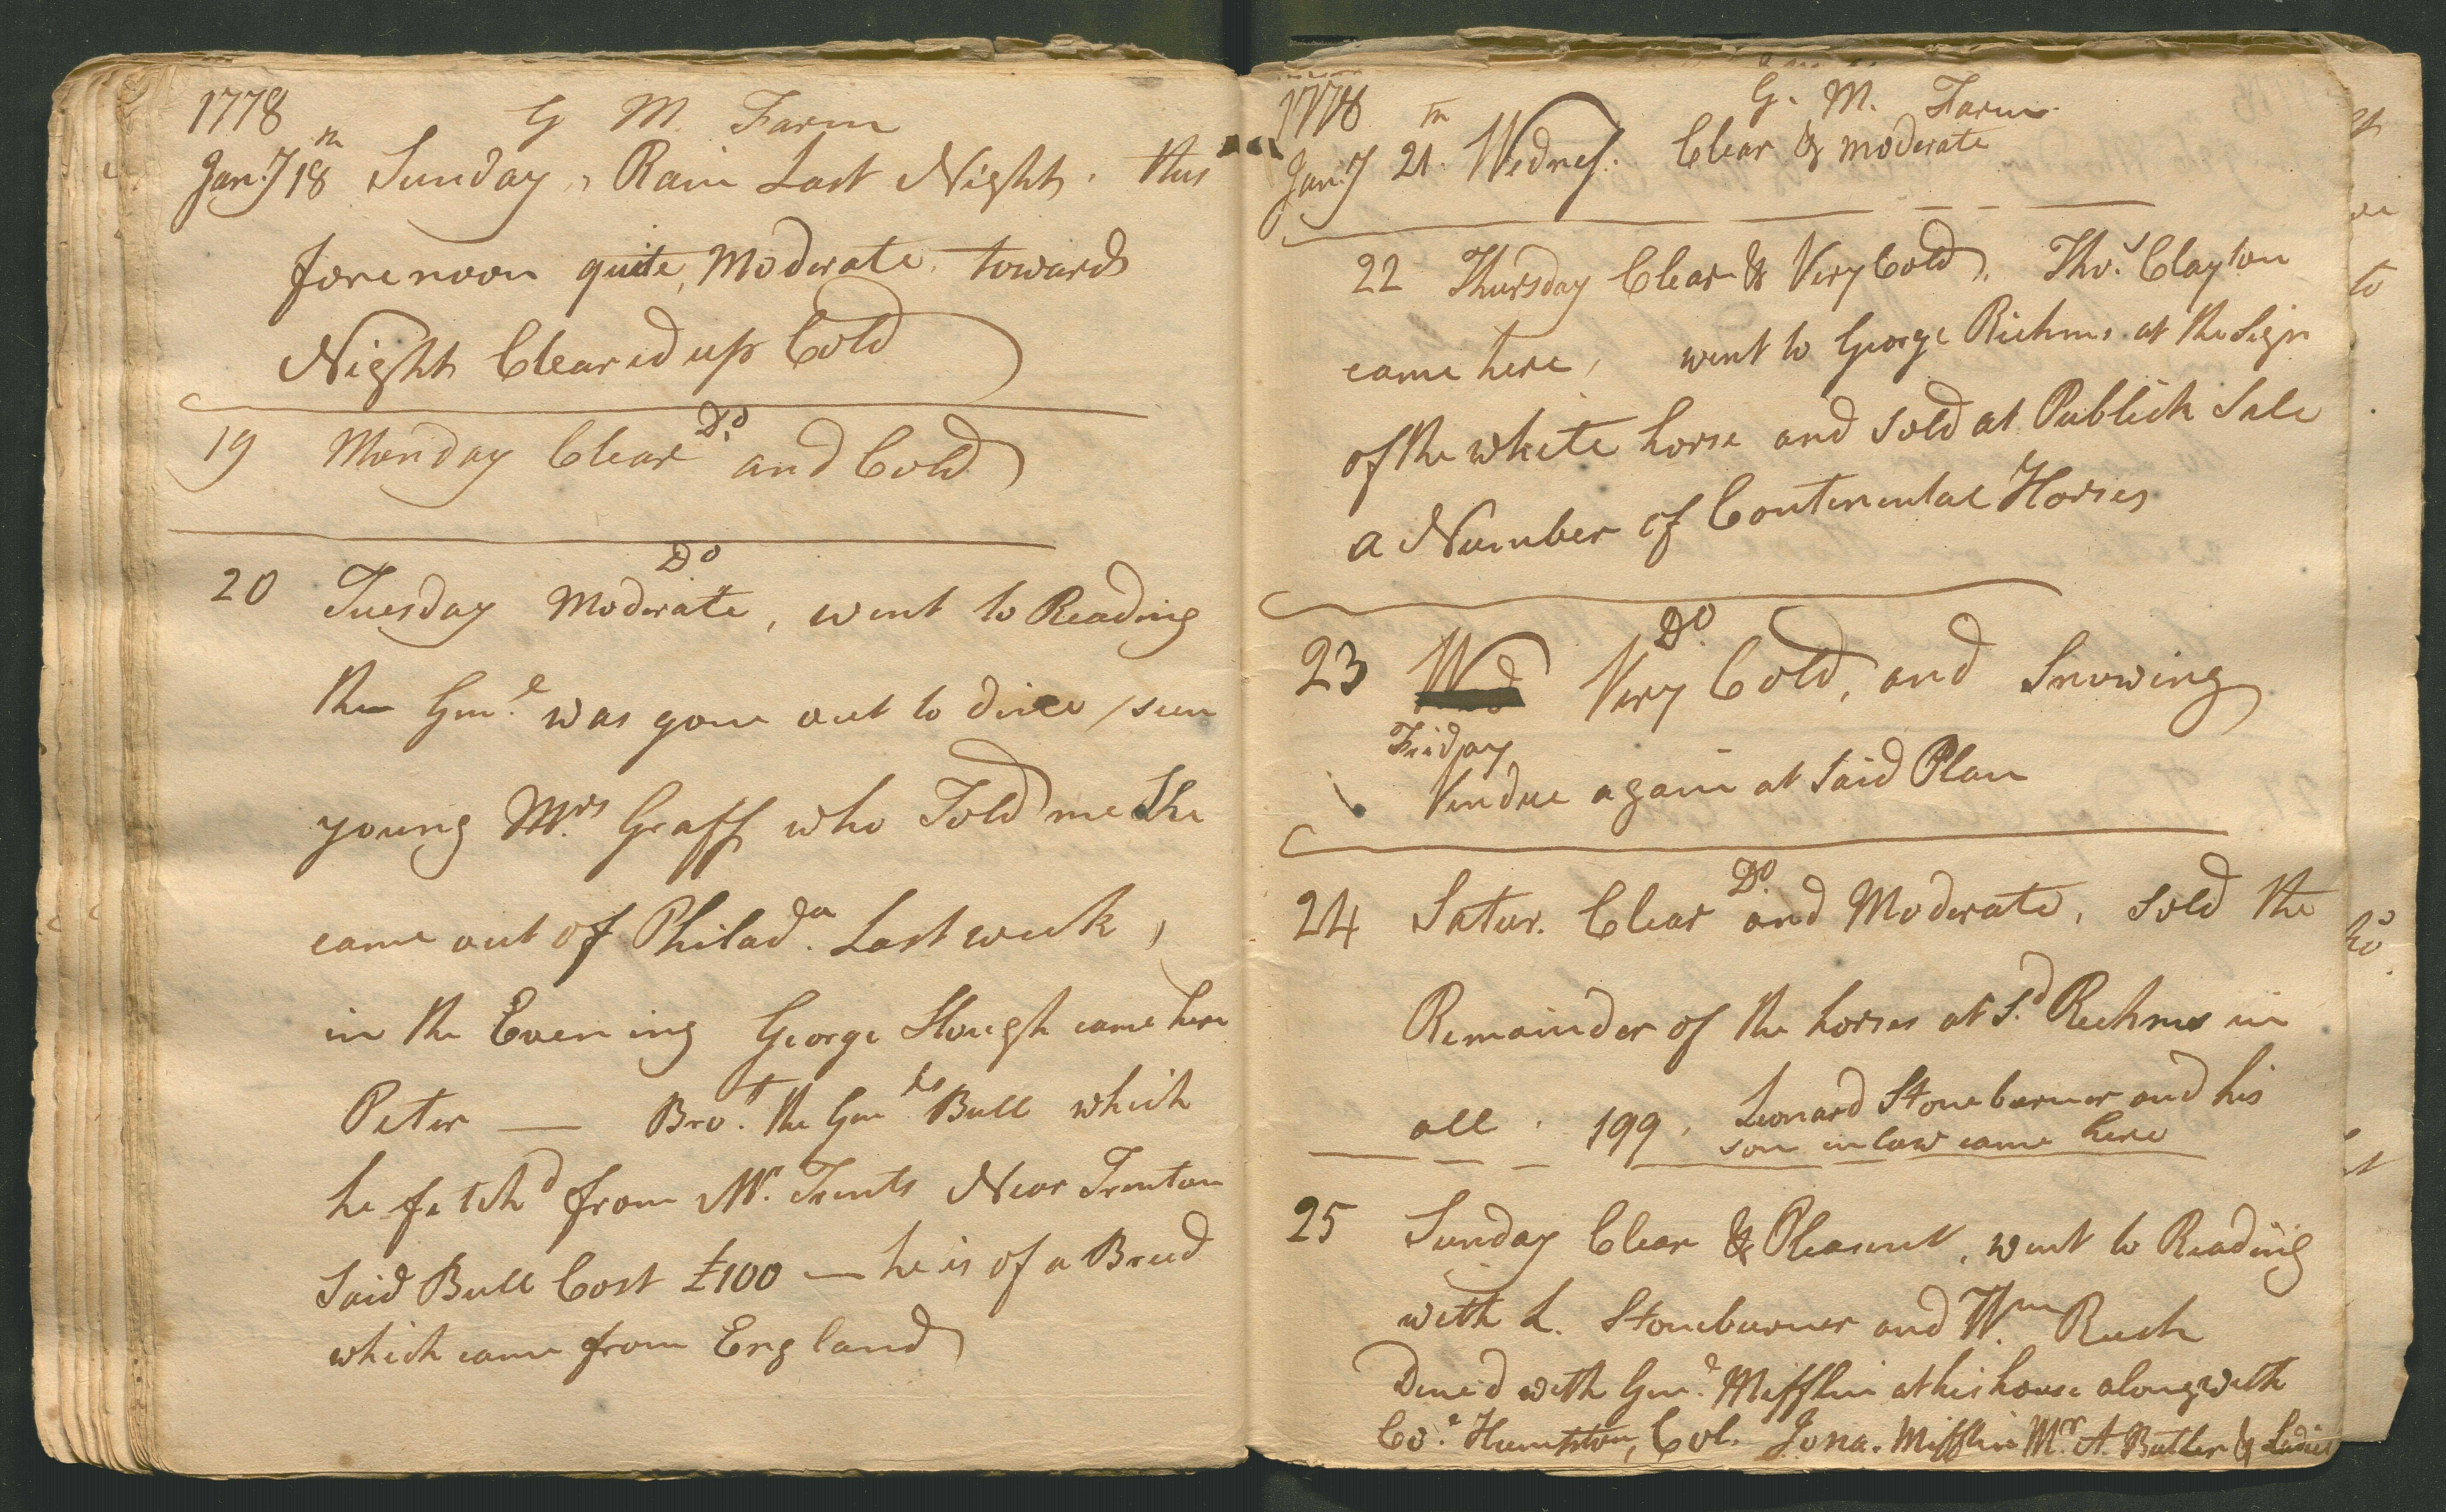1778
G. M. Farm
Jan^y. 18 ^th Sunday. Rain Last Night. This
forenoon quite, Moderate towards
Night Cleared up Cold
19 Monday Clear and Cold
D^o
20 Tuesday Moderate, went to Reading
the Gen^l. was gone out to diner / seen
young M^rs. Graff who Told me she
came out of Philad^a. Last week,
in the Evening George Slough came here
Peter- Bro^t. the Gen^l. Bull which
he fetch^d. from M^r. Trents Neor Trenton
Said Bull Cost £100- he is of a Breed
which came from England
1778
G. M. Farm
Jan^y. 21^th. Wednes. Clear & modenate
22 Thursday Clear & Very Cold. Tho^s. Clayton
came here, went to George Richms at the Sign
of the white horse and sold at Publick Sale
a Number of Continental Horses
23 [Wed] Very Cold, and Snowing
Friday
Vendue again at said Plan
24 Satur. Clear and Moderate, sold the
Remainder of the horses at s^d. Rechms in
all. 199. Leonard Stoneburner and his
son inlaw came here
25 Sunday Clear & Pleasent, went to Reading
with L. Stoneburner and W^m Rush
Dine'd with Gen^l. Mifflin at his house along with
Co^l. Humpton, Col. Jona. Mifflin M^r. A. Butler & Ladies